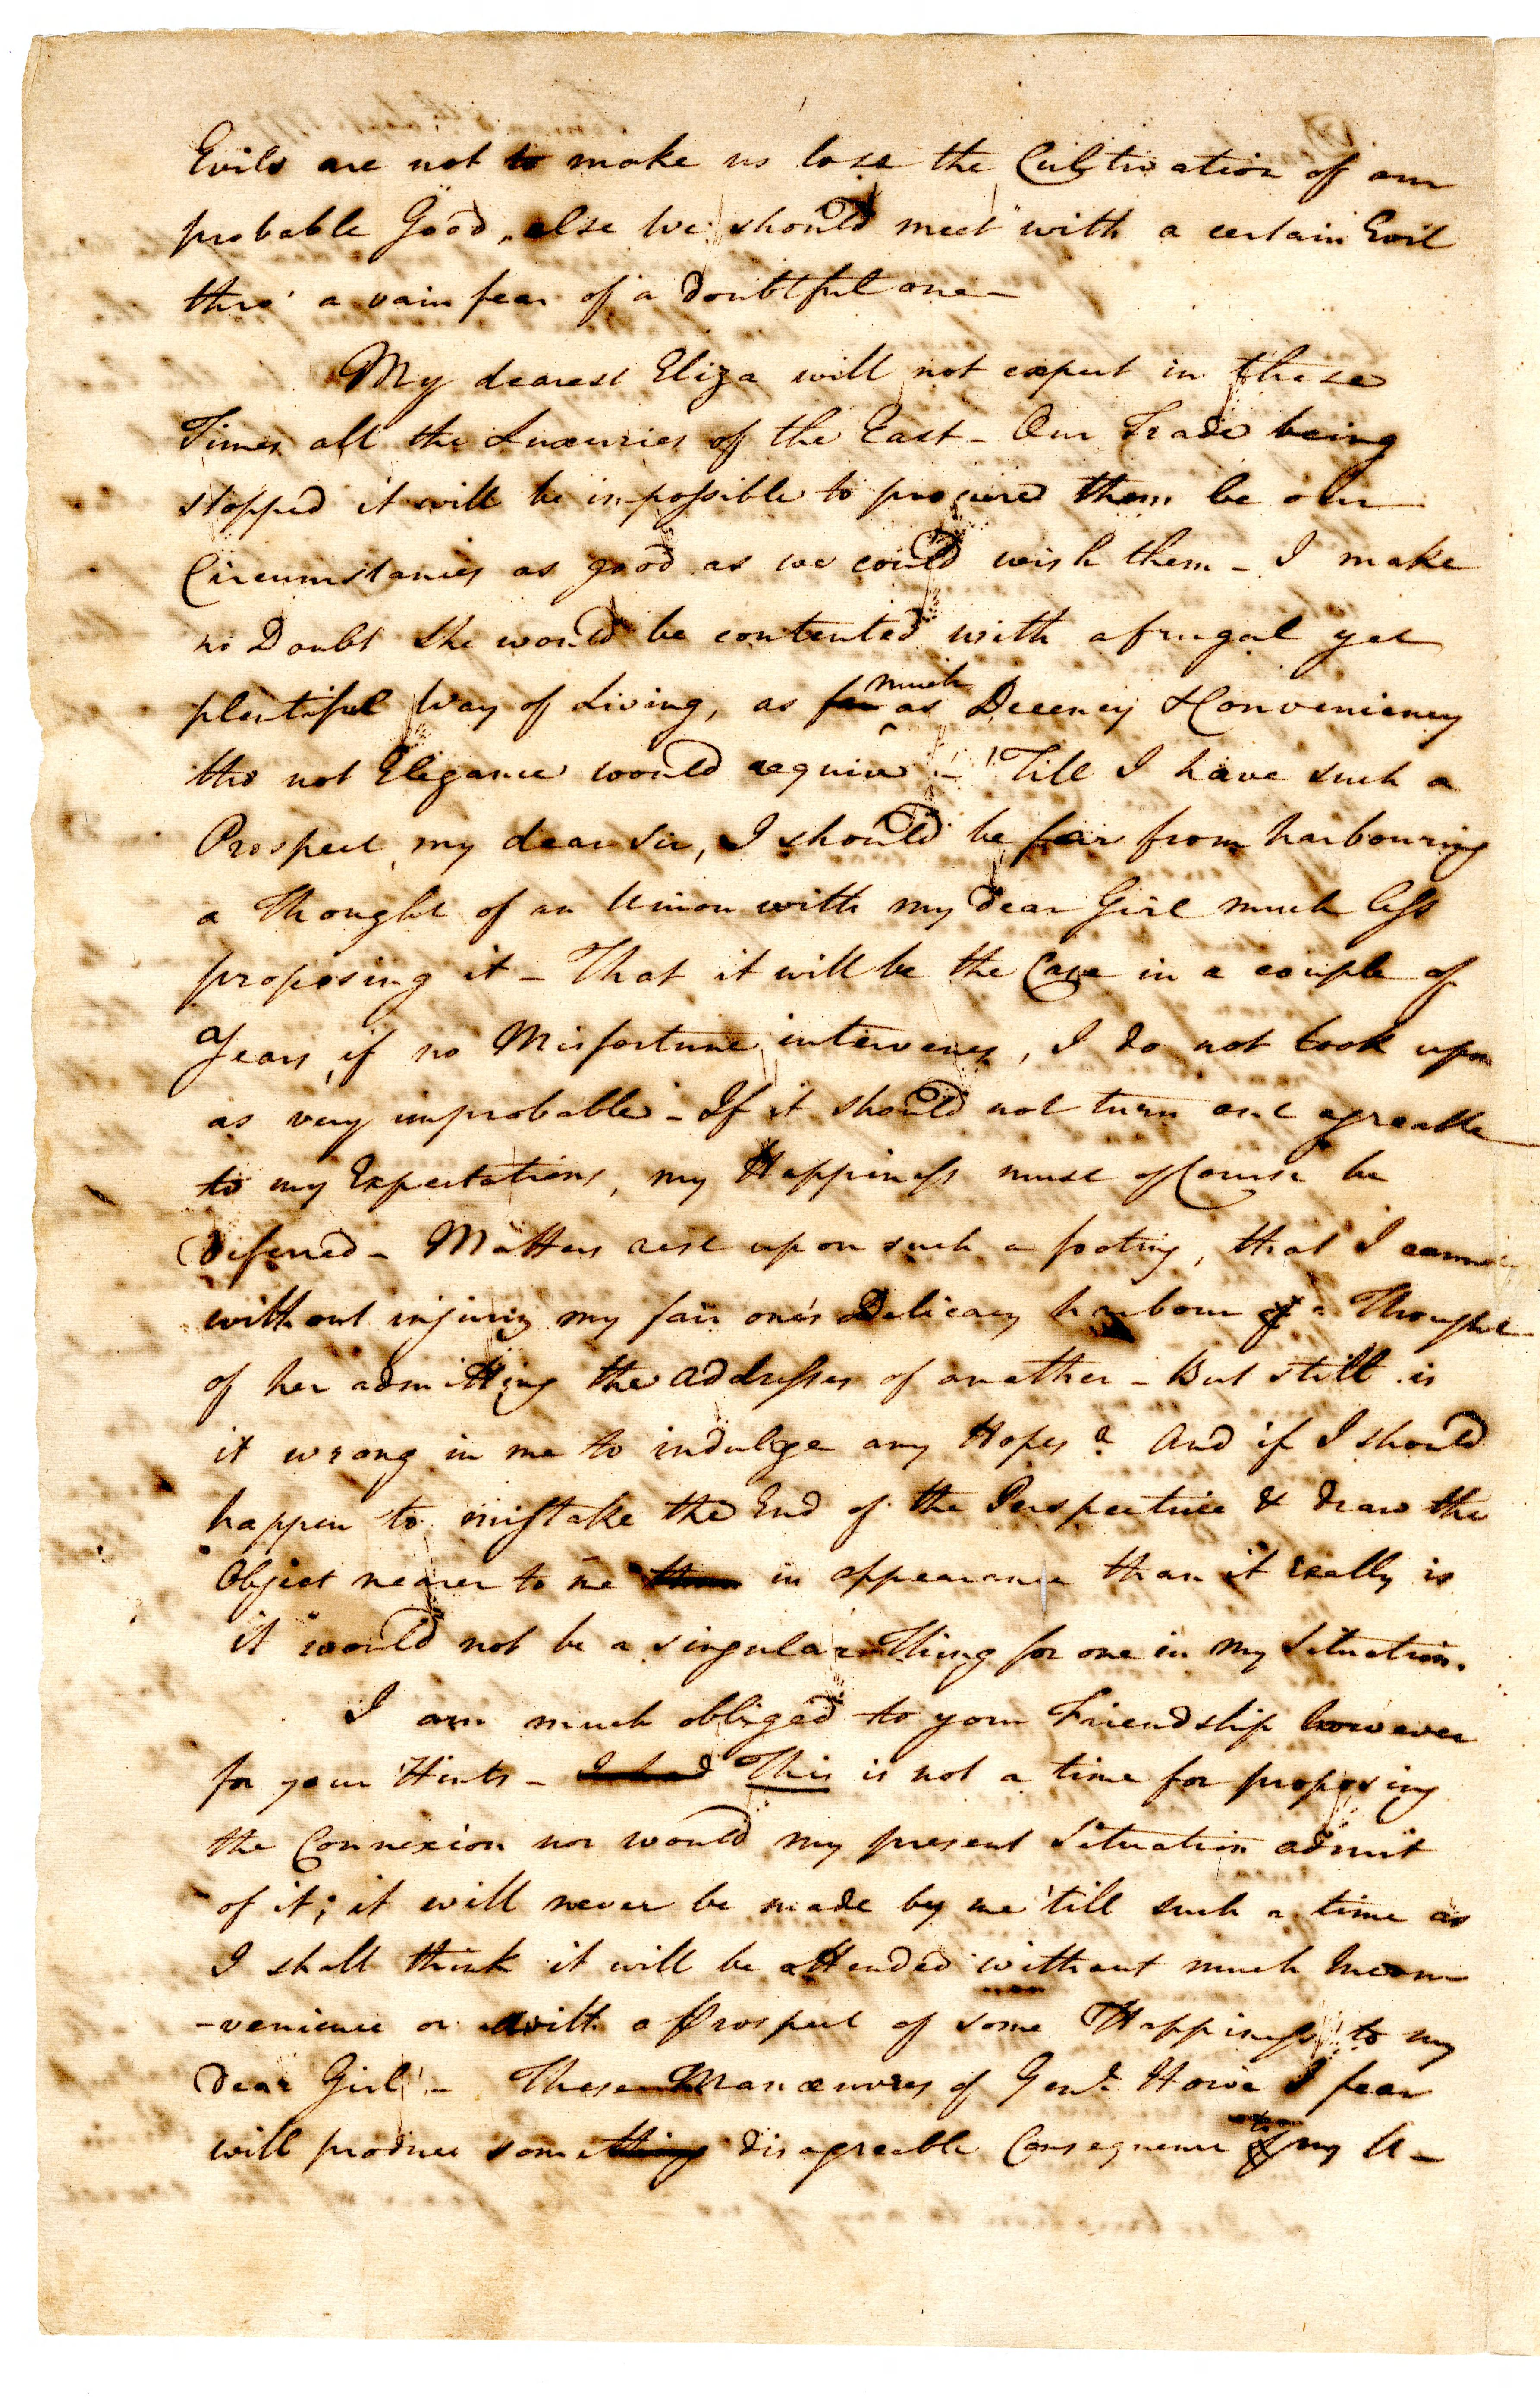Evils are not to make us lose the Cultivation of our
probable Good, else we should meet with a certain Evil
this a vain fear of a doubtful one-
My dearest Eliza will not expect in these
Times all the Luxuries of the East- Our Trade being
stopped it will be impossible to procure them be our
Circumstances as good as we could wish them- I make
no Doubt she would be contented with a frugal yet
much
plentiful Way of Living, as for ^ as Decency & Conveniency
tho' not Elegance coould require.- 'Till I have such a
Prospect, my dear sir, I should be far from harbouring
a thought of an Union with my dear Girl much less
proposing it- That it will be the Case in a couple of
Years if no Misfortune intervenes, I do not look upon
as very improbable- If it should not turn one agreable
to my Expectations, my Happiness must of Course be
deferred- Matters rest upon such a footing, that I cannot
without injuring my fair one's Delicacy harbour [_] a Thought
of her admitting the addresses of another- But still is
it wrong in me to indulge any Hopes? And if I should
happen to mistake the End of the Perspective & draw the
Object nearer to me than in appearance than it really is
it would not be a singular thing for one in my Situation.
I am much obliged to your Friendship however
for your Hints- [___] This is not a time for proposing
the Connexion nor would my present Situation admit
of it; it will never be made by me 'till such a time as
I shall think it will be attended without much Incon-
-venience or [___]ilt a proposal of some Happiness to my
dear Girl. These Maneuvers of Gen^l. Howe I fear
will produce something disagreable Consequence & my a-